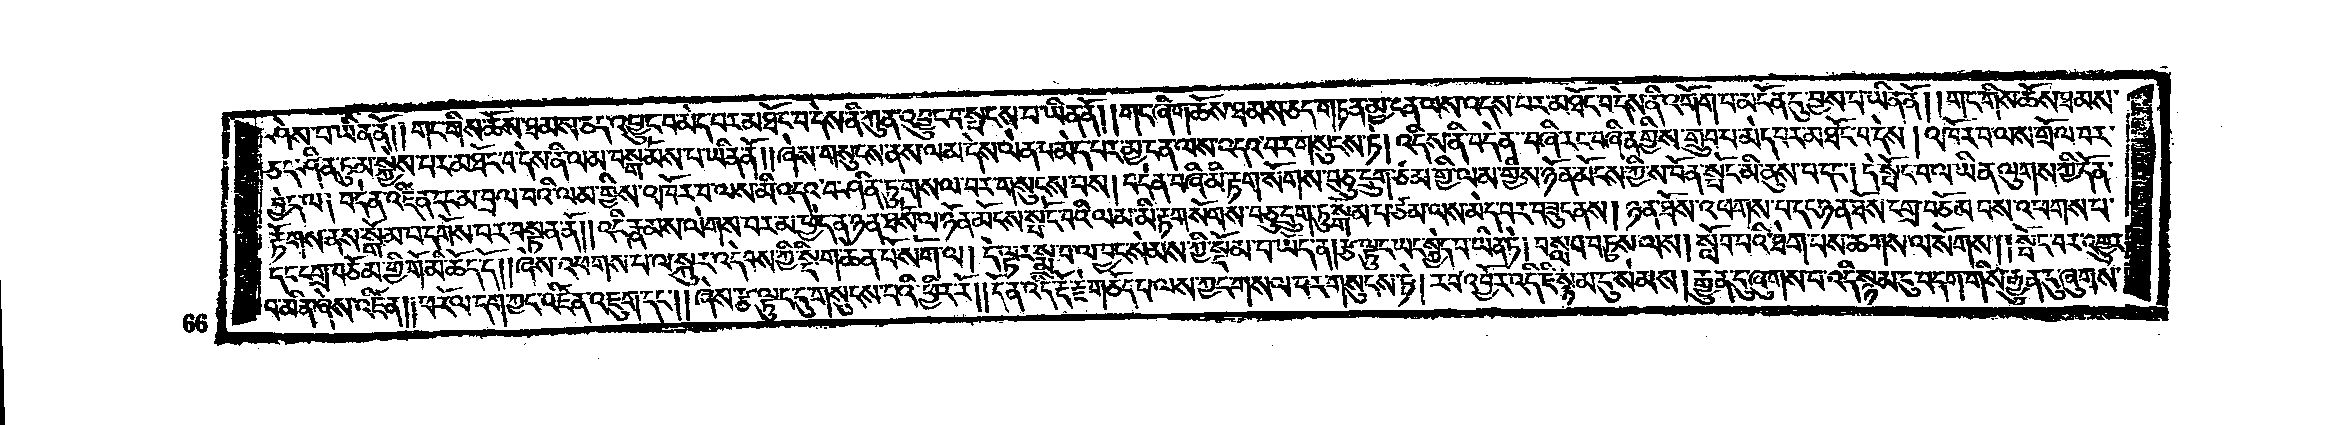ཤེས་པ་ཡིན་ནོ། །གང་གིས་ཆོས་ཐམས་ཅད་འབྱུང་བ་མེད་པར་མཐོང་བ་དེས་ནི་ཀུན་འབྱུང་བ་སྤངས་པ་ཡིན་ནོ། །གང་ཞིག་ཆོས་ཐམས་ཅད་གཏན་མྱ་ངན་ལས་འདས་པར་མཐོང་བ་དེས་ནི་འགོག་པ་མངོན་དུ་བྱས་པ་ཡིན་ནོ། །གང་གིས་ཆོས་ཐམས་
ཅད་ཤིན་ཏུ་མ་སྐྱེས་པར་མཐོང་བ་དེས་ནི་ལམ་བསྒོམས་པ་ཡིན་ནོ། །ཞེས་གསུངས་ནས་ལམ་དེས་ལེན་པ་མེད་པར་མྱ་ངན་ལས་འདའ་བར་གསུངས་ཏེ། འདིས་ནི་བདེན་བཞི་རང་བཞིན་གྱིས་གྲུབ་པ་མེད་པར་མཐོང་བ་དེས། འཁོར་བ་ལས་གྲོལ་བར་
བྱེད་ལ། བདེན་འཛིན་དང་མ་བྲལ་བའི་ལམ་གྱིས་འཁོར་བ་ལས་མི་འདའ་བ་ཤིན་ཏུ་གསལ་བར་གསུངས་པས། བདེན་བཞི་མི་རྟག་སོགས་བཅུ་དྲུག་ཙམ་གྱི་ལམ་གྱིས་ཉོན་མོངས་ཀྱི་ས་བོན་སྤོང་མི་ནུས་པ་དང་། དེ་སྤོང་བ་ལ་ཡིན་ལུགས་ཀྱི་དོན་
རྟོགས་ནས་སྒོམ་པ་དགོས་པར་བསྟན་ནོ། །འདི་རྣམས་ལེགས་པར་མ་ཕྱེད་ན་ཉན་ཐོས་ལ་ཉོན་མོངས་སྤོང་བའི་ལམ་མི་རྟག་སོགས་བཅུ་དྲུག་ཏུ་སྒོམ་པ་ཙམ་ལས་མེད་པར་བཟུང་ནས། ཉན་ཐོས་འཕགས་པ་དང་ཉན་ཐོས་དགྲ་བཅོམ་པས་འཕགས་པ་
དང་དགྲ་བཅོམ་གྱི་གོ་མི་ཆོད་དོ། །ཞེས་འཕགས་པ་ལ་སྐུར་འདེབས་ཀྱི་སྡིག་ཆེན་པོ་སོག་ལ། དེ་ལྟར་སྨྲ་བ་ལ་བྱང་སེམས་ཀྱི་སྡོམ་པ་ཡོད་ན། རྩ་ལྟུང་ཡང་སྐྱེད་པ་ཡིན་ཏེ། བསླབ་བཏུས་ལས། སློབ་པའི་ཐེག་པས་ཆགས་ལ་སོགས། །སྤོང་བར་འགྱུར་
བ་མིན་ཞེས་འཛིན། །ཕ་རོལ་དག་ཀྱང་འཛིན་འཇུག་དང་། །ཞེས་རྩ་ལྟུང་དུ་གསུངས་པའི་ཕྱིར་རོ། །དོན་འདི་རྡོ་རྗེ་གཅོད་པ་ལས་ཀྱང་གསལ་བར་གསུངས་ཏེ། རབ་འབྱོར་འདི་ཇི་སྙམ་དུ་སེམས། རྒྱུན་དུ་ཞུགས་པ་འདི་སྙམ་དུ་བདག་གིས་རྒྱུན་དུ་ཞུགས་